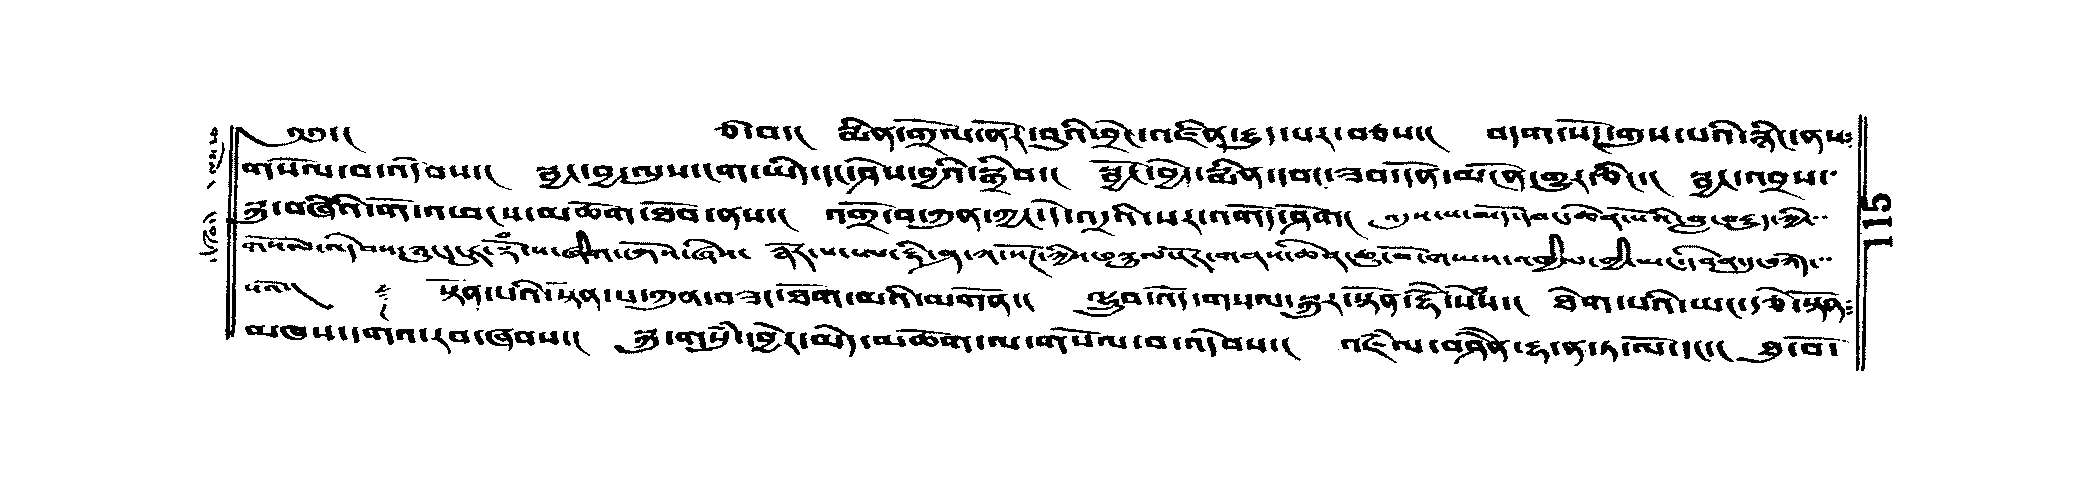ཙཱ་བ། །སྨིན་གྲོལ་ནོར་བུའི་ཕྲེང་འཛིན་རྒྱུད་པར་བཅས། །བདག་སོགས་གུས་པའི་སྙིང་ནས་
གསོལ་འདེབས། །སྦྱང་བྱ་ལུས་ངག་ཡིད་དང་ཤེས་བྱའི་སྒྲིབ། །སྦྱོང་བྱེད་སྨིན་དབང་ཟབ་དོན་མངོན་གྱུར་ཅིང་། །སྦྱང་འབྲས་
སྐུ་བཞིའི་གོ་འཕང་མཆོག་ཐོབ་ནས། །འགྲོ་བ་ཀུན་ཀྱང་དེ་འདྲའི་སར་འགོད་ཤོག འདུས་པ་མདོ་དབང་ཆེན་པོའི་བླ་བརྒྱུད་ཀྱི་
གསོལ་འདེབས་ཉུང་ངུར་སྡོམ་པ་ཞིག་དགོས་ཞེས། རྣལ་འབྱོར་པ་ཨ་དྷི་ཤ་ཀ་སོགས་ཀྱིས་བསྐུལ་ངོར་གནས་ཆེན་ཆུ་བོ་གཡས་འཁྱིལ་གྱི་ཡང་དབེན་དུ་བཀོད་
པའོ།། ༈ སྟོན་པའི་སྟོན་པ་ཀུན་བཟང་ཐོག་མའི་མགོན། །ལྷུན་གྲུབ་འོད་གསལ་སྐུར་སྟོན་རྡོ་རྗེ་སེམས། །ཐེག་པའི་ཡང་རྩེ་སྟོན་
མཁས་དགའ་རབ་ཞབས། །སྐུ་གསུམ་དབྱེར་མེད་མཆོག་ལ་གསོལ་བ་འདེབས། །འཇམ་དཔལ་བཤེས་གཉེན་དྷ་ན་ཏ་ལོ་དང་། །ཐུ་བོ་